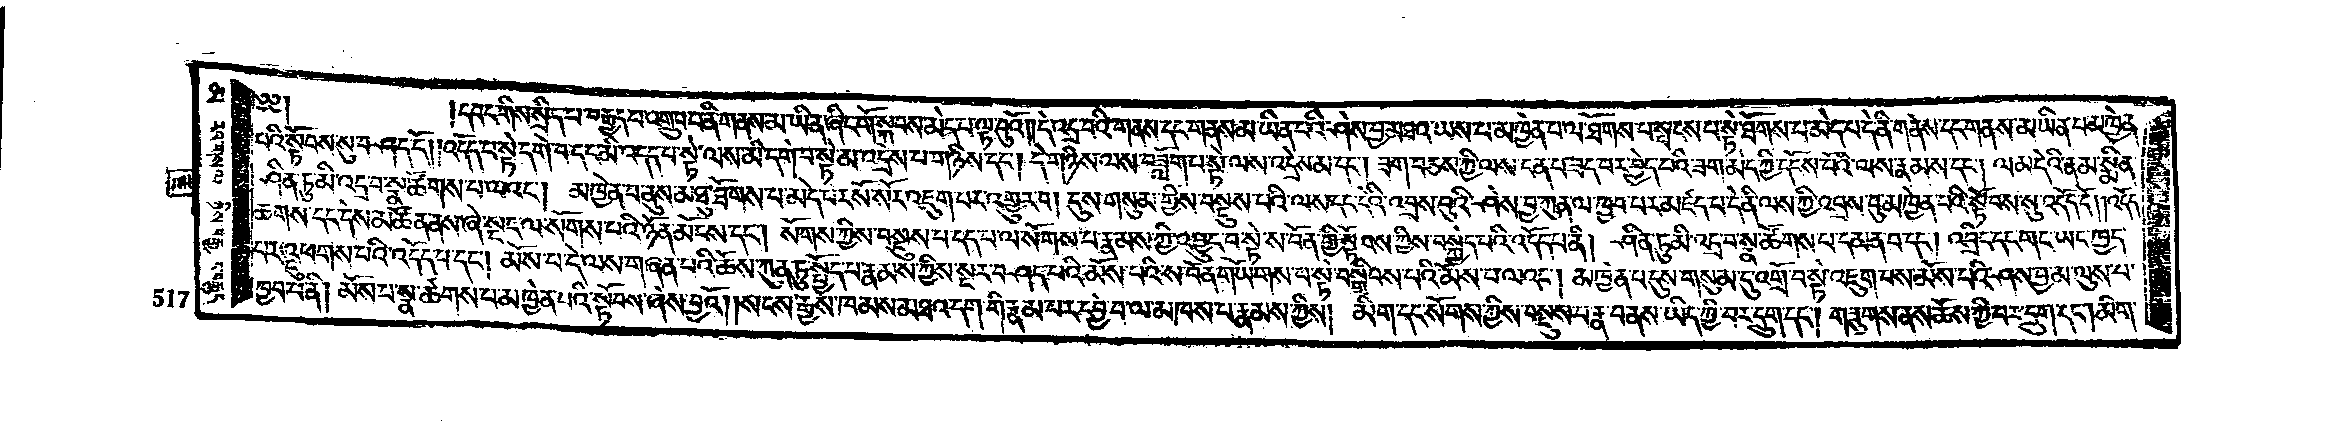༄༅། །དབང་གིས་སྲིད་པ་བརྒྱད་པ་འགྲུབ་པ་ནི་གནས་མ་ཡིན་ཞིང་གོ་སྐབས་མེད་པ་ལྟ་བུའོ། །དེ་འདྲ་བའི་གནས་དང་གནས་མ་ཡིན་པའི་ཤེས་བྱ་མཐའ་ཡས་པ་མཁྱེན་པ་ལ་ཐོགས་པ་སྤངས་པ་སྟེ་ཐོགས་པ་མེད་པ་དེ་ནི་གནས་དང་གནས་མ་ཡིན་པ་མཁྱེན་
པའི་སྟོབས་སུ་བཤད་དོ། །འདོད་པ་སྟེ་དགེ་བ་དང་མི་འདོད་པ་སྟེ་ལས་མི་དགེ་བ་སྟེ་མ་འདྲེས་པ་གཉིས་དང་། དེ་གཉིས་ལས་བཟློག་པ་སྟེ་ལས་འདྲེས་མ་དང་། ཟག་བཅས་ཀྱི་ལས་ངན་པ་ཟད་པར་བྱེད་པའི་ཟག་མེད་ཀྱི་དངོས་པོའི་ལས་རྣམས་དང་། ལམ་དེའི་རྣམ་སྨིན་
ཤིན་ཏུ་མི་འདྲ་བ་སྣ་ཚོགས་པ་ལའང་། མཁྱེན་པ་ནུས་མཐུ་ཐོགས་པ་མེད་པར་སོ་སོར་འཇུག་པར་འགྱུར་བ། དུས་གསུམ་གྱིས་བསྡུས་པའི་ལས་དང་དེའི་འབྲས་བུའི་ཤེས་བྱ་ཀུན་ལ་ཁྱབ་པར་མཛད་པ་དེ་ནི་ལས་ཀྱི་འབྲས་བུ་མཁྱེན་པའི་སྟོབས་སུ་འདོད་དོ། །འདོད་
ཆགས་དང་དེས་མཚོན་ནས་ཞེ་སྡང་ལ་སོགས་པའི་ཉོན་མོངས་དང་། སོགས་ཀྱིས་བསྡུས་པ་དད་པ་ལ་སོགས་པ་རྣམས་ཀྱི་འབྱུང་བ་སྟེ་ས་བོན་གྱི་སྟོབས་ཀྱིས་བསྐྱེད་པའི་འདོད་པ་ནི། ཤིན་ཏུ་མི་འདྲ་བ་སྣ་ཚོགས་པ་དམན་བ་དང་། འབྲིང་དང་གང་ཡང་ཁྱད་
པར་དུ་འཕགས་པའི་འདོད་པ་དང་། མོས་པ་དེ་ལས་གཞན་པའི་ཆོས་ཀུན་ཏུ་སྤྱོད་པ་རྣམས་ཀྱིས་སྔར་བཤད་པའི་མོས་པའི་ས་བོན་གཡོགས་པ་སྟེ་བསྒྲིབས་པའི་མོས་པ་ལའང་། མཁྱེན་པ་དུས་གསུམ་དུ་འགྲོ་བ་སྟེ་འཇུག་པས་མོས་པའི་ཤེས་བྱ་མ་ལུས་པ་
ཁྱབ་པ་ནི། མོས་པ་སྣ་ཚོགས་པ་མཁྱེན་པའི་སྟོབས་ཞེས་བྱའོ། །སངས་རྒྱས་ཁམས་མཐའ་དག་གི་རྣམ་པར་དབྱེ་བ་ལ་མཁས་པ་རྣམས་ཀྱིས། མིག་དང་སོགས་ཀྱིས་བསྡུས་པ་རྣ་བ་ནས་ཡིད་ཀྱི་བར་དྲུག་དང་། གཟུགས་ནས་ཆོས་ཀྱི་བར་དྲུག་དང་། མིག་